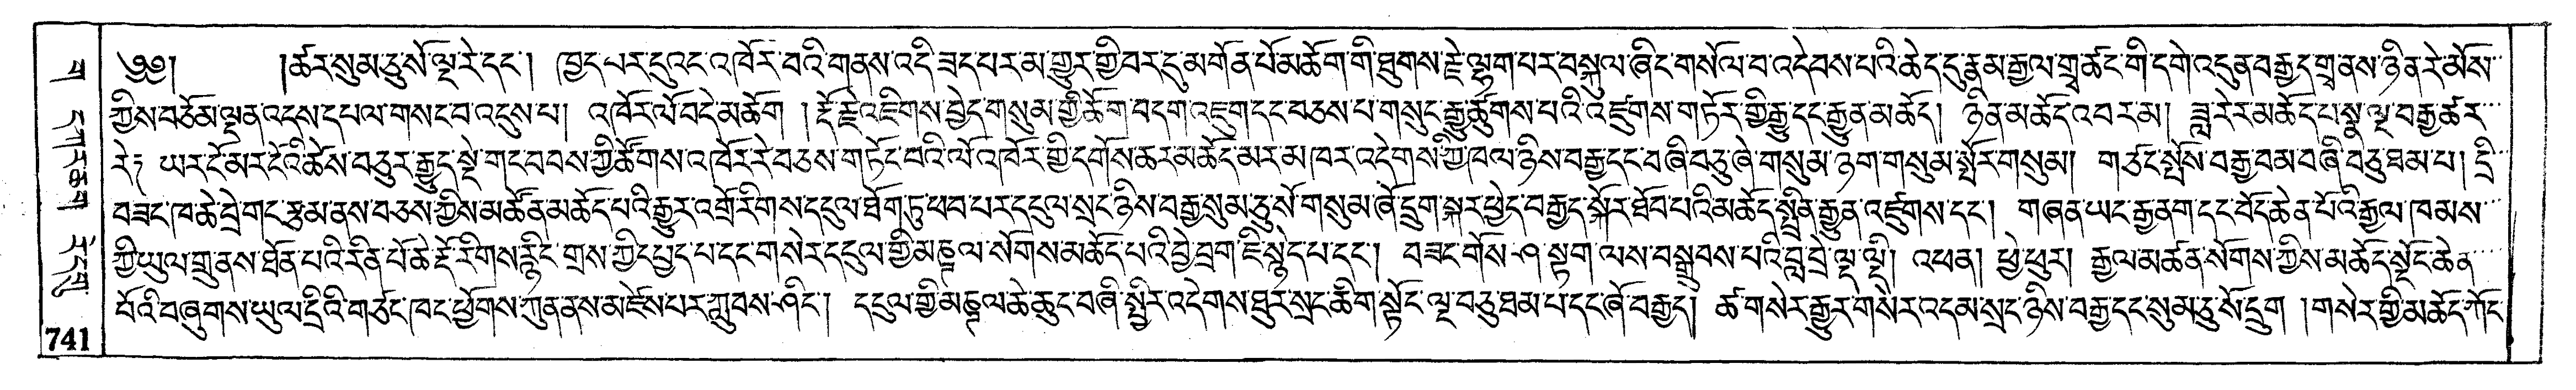༄༅། །ཚར་སུམ་ཅུ་སོ་ལྔ་རེ་དང་། ཁྱད་པར་དུའང་འཁོར་བའི་གནས་འདི་ཟང་པར་མ་གྱུར་གྱི་བར་དུ་མགོན་པོ་མཆོག་གི་ཐུགས་རྗེ་ལྷག་པར་བསྐུལ་ཞིང་གསོལ་བ་འདེབས་པའི་ཆེད་དུ་རྣམ་རྒྱལ་གྲྭ་ཚང་གི་དགེ་འདུན་བརྒྱད་གྲ་ནས་ཉིན་རེ་མོས་
ཀྱིས་བཅོམ་ལྡན་འདས་དཔལ་གསང་བ་འདུས་པ། འཁོར་ལོ་བདེ་མཆོག །རྡོ་རྗེ་འཇིགས་བྱེད་གསུམ་གྱི་ཆོ་ག་བདག་འཇུག་དང་བཅས་པ་གསུང་རྒྱུ་ཚུགས་པའི་འཇུགས་གཏོར་གྱི་རྒྱུ་དང་རྒྱུན་མཆོད། ཉིན་མཆོད་འྤར་མ། ཟླ་རེར་མཆོད་པ་སྣ་ལྔ་བརྒྱ་ཚར་
རེ༑ ཡར་ངོ་མར་ངོའི་ཚེས་བཅུར་རྒྱུད་སྡེ་གང་བབས་ཀྱི་ཚོགས་འཁོར་རེ་བཅས་གཏོང་བའི་ལོ་འཁོར་གྱི་དགོས་ཆར་མཆོད་མར་མཁར་འདེགས་ཀྱི་ཁལ་ཉིས་བརྒྱ་དང་བཞི་བཅུ་ཞེ་གསུམ་ཉག་གསུམ་སྤོར་གསུམ། གཙང་སྤོས་བརྒྱ་བམ་བཞི་བཅུ་ཐམ་པ། དྲི་
བཟང་ཁ་ཆེ་བྲེ་གང་རྩམ་ནས་བཅས་ཀྱིས་མཚོན་མཆོད་པའི་རྒྱུར་འགྲོ་རིགས་དངུལ་ཐོག་ཏུ་ཕབ་པར་དངུལ་སྲང་ཉིས་བརྒྱ་སུམ་ཅུ་སོ་གསུམ་ཞོ་དྲུག་སྐར་ཕྱེད་བརྒྱད་སྐོར་ཐོབ་པའི་མཆོད་སྤྲིན་རྒྱུན་འཛུགས་དང་། གཞན་ཡང་རྒྱ་ནག་དང་བོད་ཆེན་པོའི་རྒྱལ་ཁམས་
ཀྱི་ཡུལ་གྲུ་ནས་ཐོན་པའི་རིན་པོ་ཆེ་རྡོ་རིགས་རྙིང་གྲས་ཀྱི་དཔྱད་པ་དང་གསེར་དངུལ་གྱི་མཎྜལ་སོགས་མཆོད་པའི་བྱེ་བྲག་ཇི་སྙེད་པ་དང་། བཟང་གོས་ཤ་སྟག་ལས་བསྒྲུབས་པའི་བླ་བྲེ་ལྔ་ལྡིང་། འཕན། ཕྱེ་ཕུར། རྒྱལ་མཚན་སོགས་ཀྱིས་མཆོད་སྡོང་ཆེན་
པོའི་བཞུགས་ཡུལ་དྲིའི་གཙང་ཁང་ཕྱོགས་ཀུན་ནས་མཛེས་པར་ཀླུབས་ཤིང་། དངུལ་གྱི་མཎྜལ་ཆེ་ཆུང་བཞི་སྤྱིར་འདེགས་ཐུར་སྲང་ཆིག་སྟོང་ལྔ་བཅུ་ཐམ་པ་དང་ཞོ་བརྒྱད། ཚ་གསེར་རྒྱུར་གསེར་འདམ་སྲང་ཉིས་བརྒྱ་དང་སུམ་ཅུ་སོ་དྲུག །གསེར་གྱི་མཆོད་ཀོང་